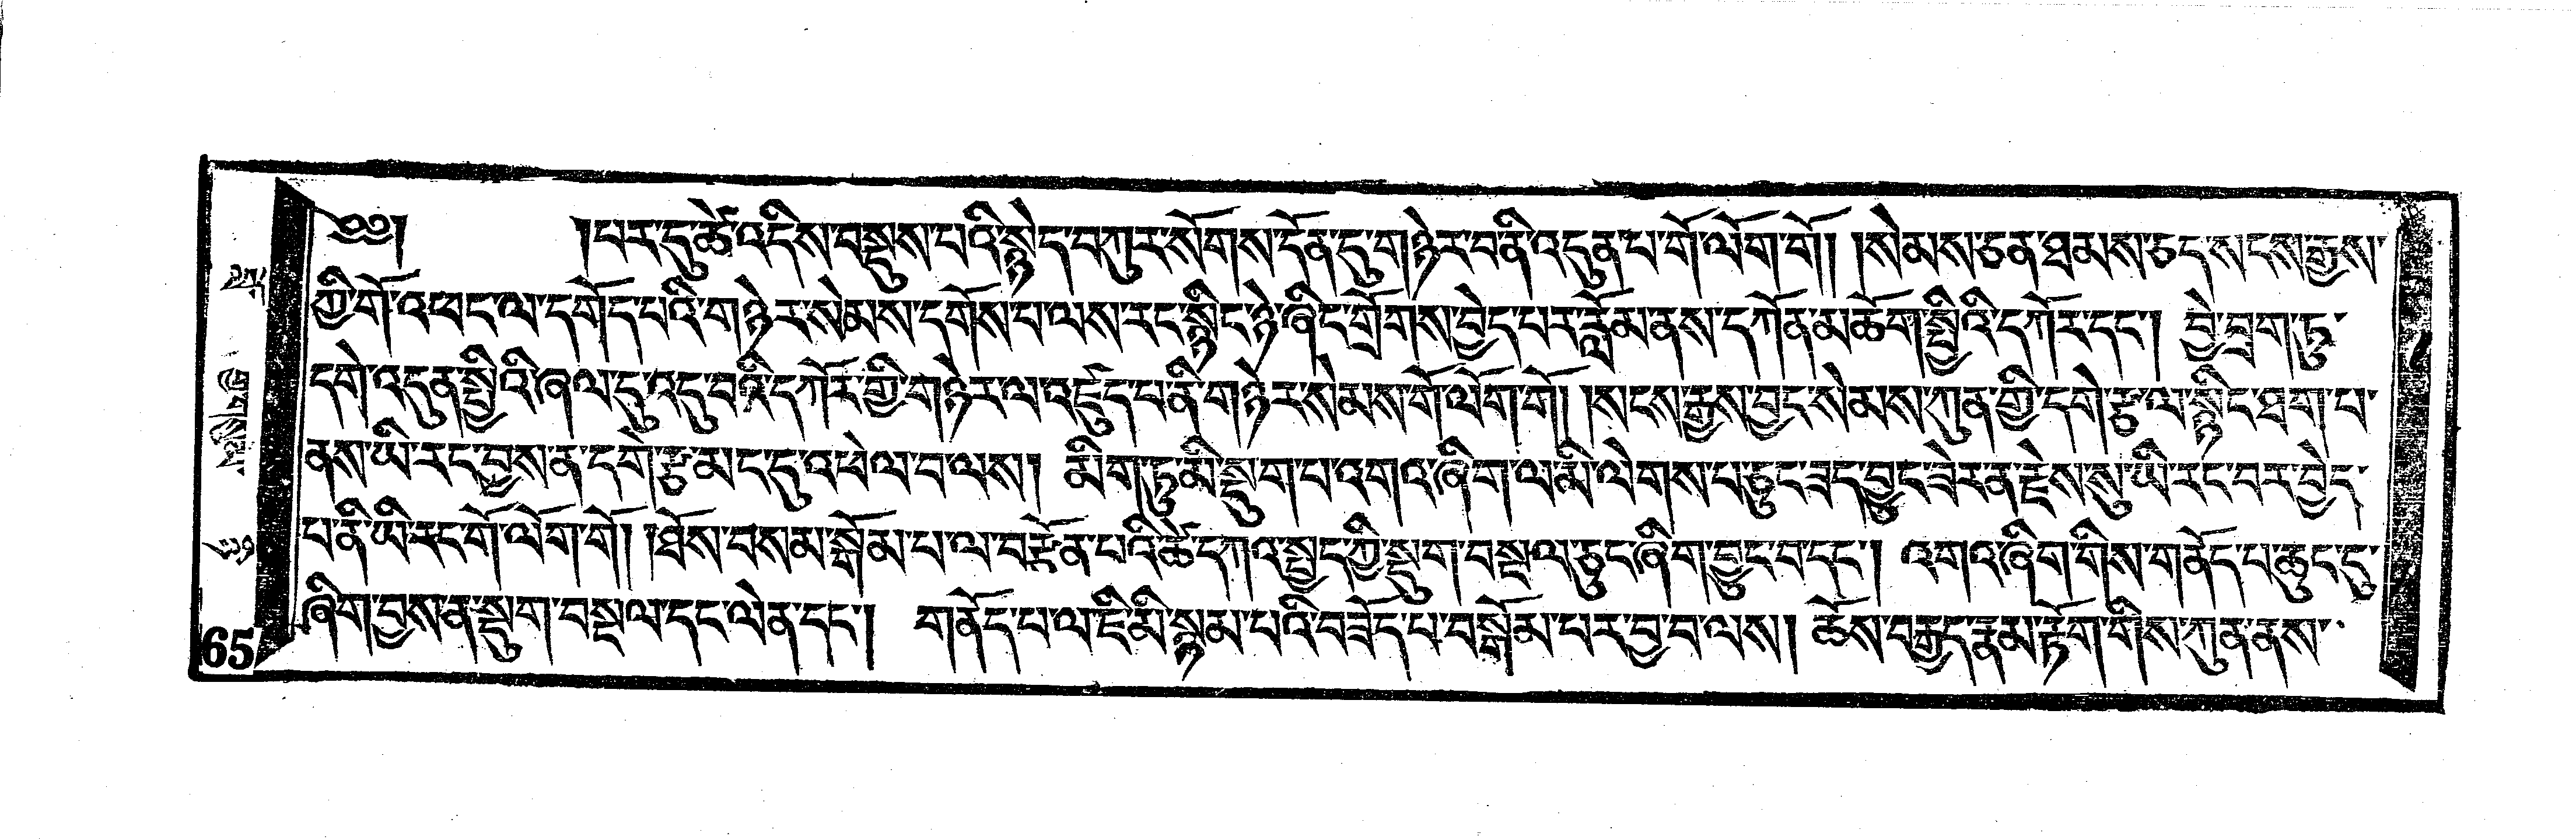༄༅། །པར་དུ་ཚེ་འདིས་བསྡུས་པའི་སྙེད་བཀུར་སོགས་དོན་དུ་གཉེར་བ་ནི་འདུན་པ་གོ་ལོག་གོ ། །སེམས་ཅན་ཐམས་ཅད་སངས་རྒྱས་
ཀྱི་གོ་འཕང་ལ་དགོད་པའི་གཉེར་སེམས་དགོས་པ་ལས་རང་སྙིང་ཉེ་ཞིང་གྲོགས་བྱེད་པར་རློམ་ནས་དཀོན་མཆོག་སྤྱིའི་དཀོར་དང་། བྱེ་བྲག་ཏུ་
དགེ་འདུན་སྤྱིའི་ཞལ་དུ་འདུ་བའི་དཀོར་གྱི་གཉེར་ལ་འཛུད་པ་ནི་གཉེར་སེམས་གོ་ལོག་གོ ། །སངས་རྒྱས་བྱང་སེམས་ཀུན་གྱི་དགེ་རྩལ་སྙིང་ཐག་པ་
ནས་ཡི་རང་བྱས་ན་དགེ་རྩ་མང་དུ་འཕེལ་བ་ལས། མིག་ཏུ་མི་སྡུག་པ་འགའ་ཞིག་ལ་མི་ལེགས་པ་ཅུང་ཟད་བྱུང་ཟེར་ན་རྗེས་སུ་ཡི་རང་བར་བྱེད་
པ་ནི་ཡི་རང་གོ་ལོག་གོ ། །ཐོས་བསམ་སྒོམ་པ་ལ་བརྩོན་པའི་ཚེ་དཀའ་སྤྱད་ཀྱི་སྡུག་བསྔལ་ཅུང་ཞིག་བྱུང་བ་དང་། འགའ་ཞིག་གིས་གནོད་པ་ཆུང་ངུ་
ཞིག་བྱས་ན་སྡུག་བསྔལ་དང་ལེན་དང་། གནོད་པ་ལ་ཇི་མི་སྙམ་པའི་བཟོད་པ་བསྒོམ་པར་བྱ་བ་ལས། ཆོས་བརྒྱད་རྣམ་རྟོག་གིས་ཀུན་ནས་